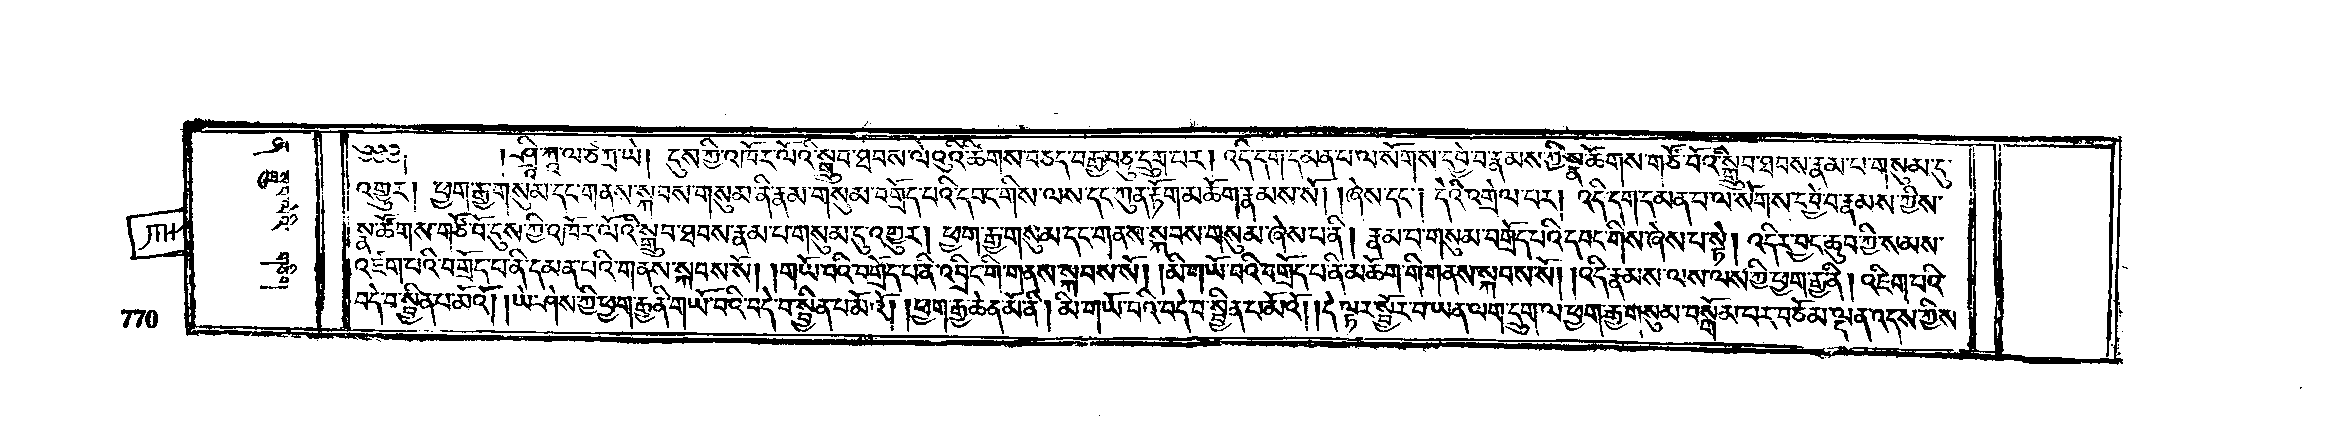༄༅༅། །ཤྲཱི་ཀཱ་ལ་ཙ་ཀྲ་ཡེ། དུས་ཀྱི་འཁོར་ལོའི་སྒྲུབ་ཐབས་ལེའུའི་ཚིགས་བཅད་བརྒྱ་བཅུ་དྲུག་པར། འདི་དག་དམན་པ་ལ་སོགས་དབྱེ་བ་རྣམས་ཀྱི་སྣ་ཚོགས་གཙོ་བོའི་སྒྲུབ་ཐབས་རྣམ་པ་གསུམ་དུ་
འགྱུར། ཕྱག་རྒྱ་གསུམ་དང་གནས་སྐབས་གསུམ་ནི་རྣམ་གསུམ་བགྲོད་པའི་དབང་གིས་ལས་དང་ཀུན་རྟོག་མཆོག་རྣམས་སོ། །ཞེས་དང་། དེའི་འགྲེལ་པར། འདི་དག་དམན་པ་ལ་སོགས་དབྱེ་བ་རྣམས་ཀྱིས་
སྣ་ཚོགས་གཙོ་བོ་དུས་ཀྱི་འཁོར་ལོའི་སྒྲུབ་ཐབས་རྣམ་པ་གསུམ་དུ་འགྱུར། ཕྱག་རྒྱ་གསུམ་དང་གནས་སྐབས་གསུམ་ཞེས་པ་ནི། རྣམ་པ་གསུམ་བགྲོད་པའི་དབང་གིས་ཞེས་པ་སྟེ། འདིར་བྱང་ཆུབ་ཀྱི་སེམས་
འཛག་པའི་བགྲོད་པ་ནི་དམན་པའི་གནས་སྐབས་སོ། །གཡོ་བའི་བགྲོད་པ་ནི་འབྲིང་གི་གནས་སྐབས་སོ། །མི་གཡོ་བའི་བགྲོད་པ་ནི་མཆོག་གི་གནས་སྐབས་སོ། །འདི་རྣམས་ལས་ལས་ཀྱི་ཕྱག་རྒྱ་ནི། འཛག་པའི་
བདེ་བ་སྦྱིན་པ་མེའོ། །ཡེ་ཤེས་ཀྱི་ཕྱག་རྒྱ་ནི་གཡོ་བའི་བདེ་བ་སྦྱིན་པ་མོའོ། །ཕྱག་རྒྱ་ཆེན་མོ་ནི། མི་གཡོ་བའི་བདེ་བ་སྦྱིན་པ་མོའོ། །དེ་ལྟར་སྦྱོར་བ་ཡན་ལག་དྲུག་ལ་ཕྱག་རྒྱ་གསུམ་བསྒོམ་པར་བཅོམ་ལྡན་འདས་ཀྱིས་